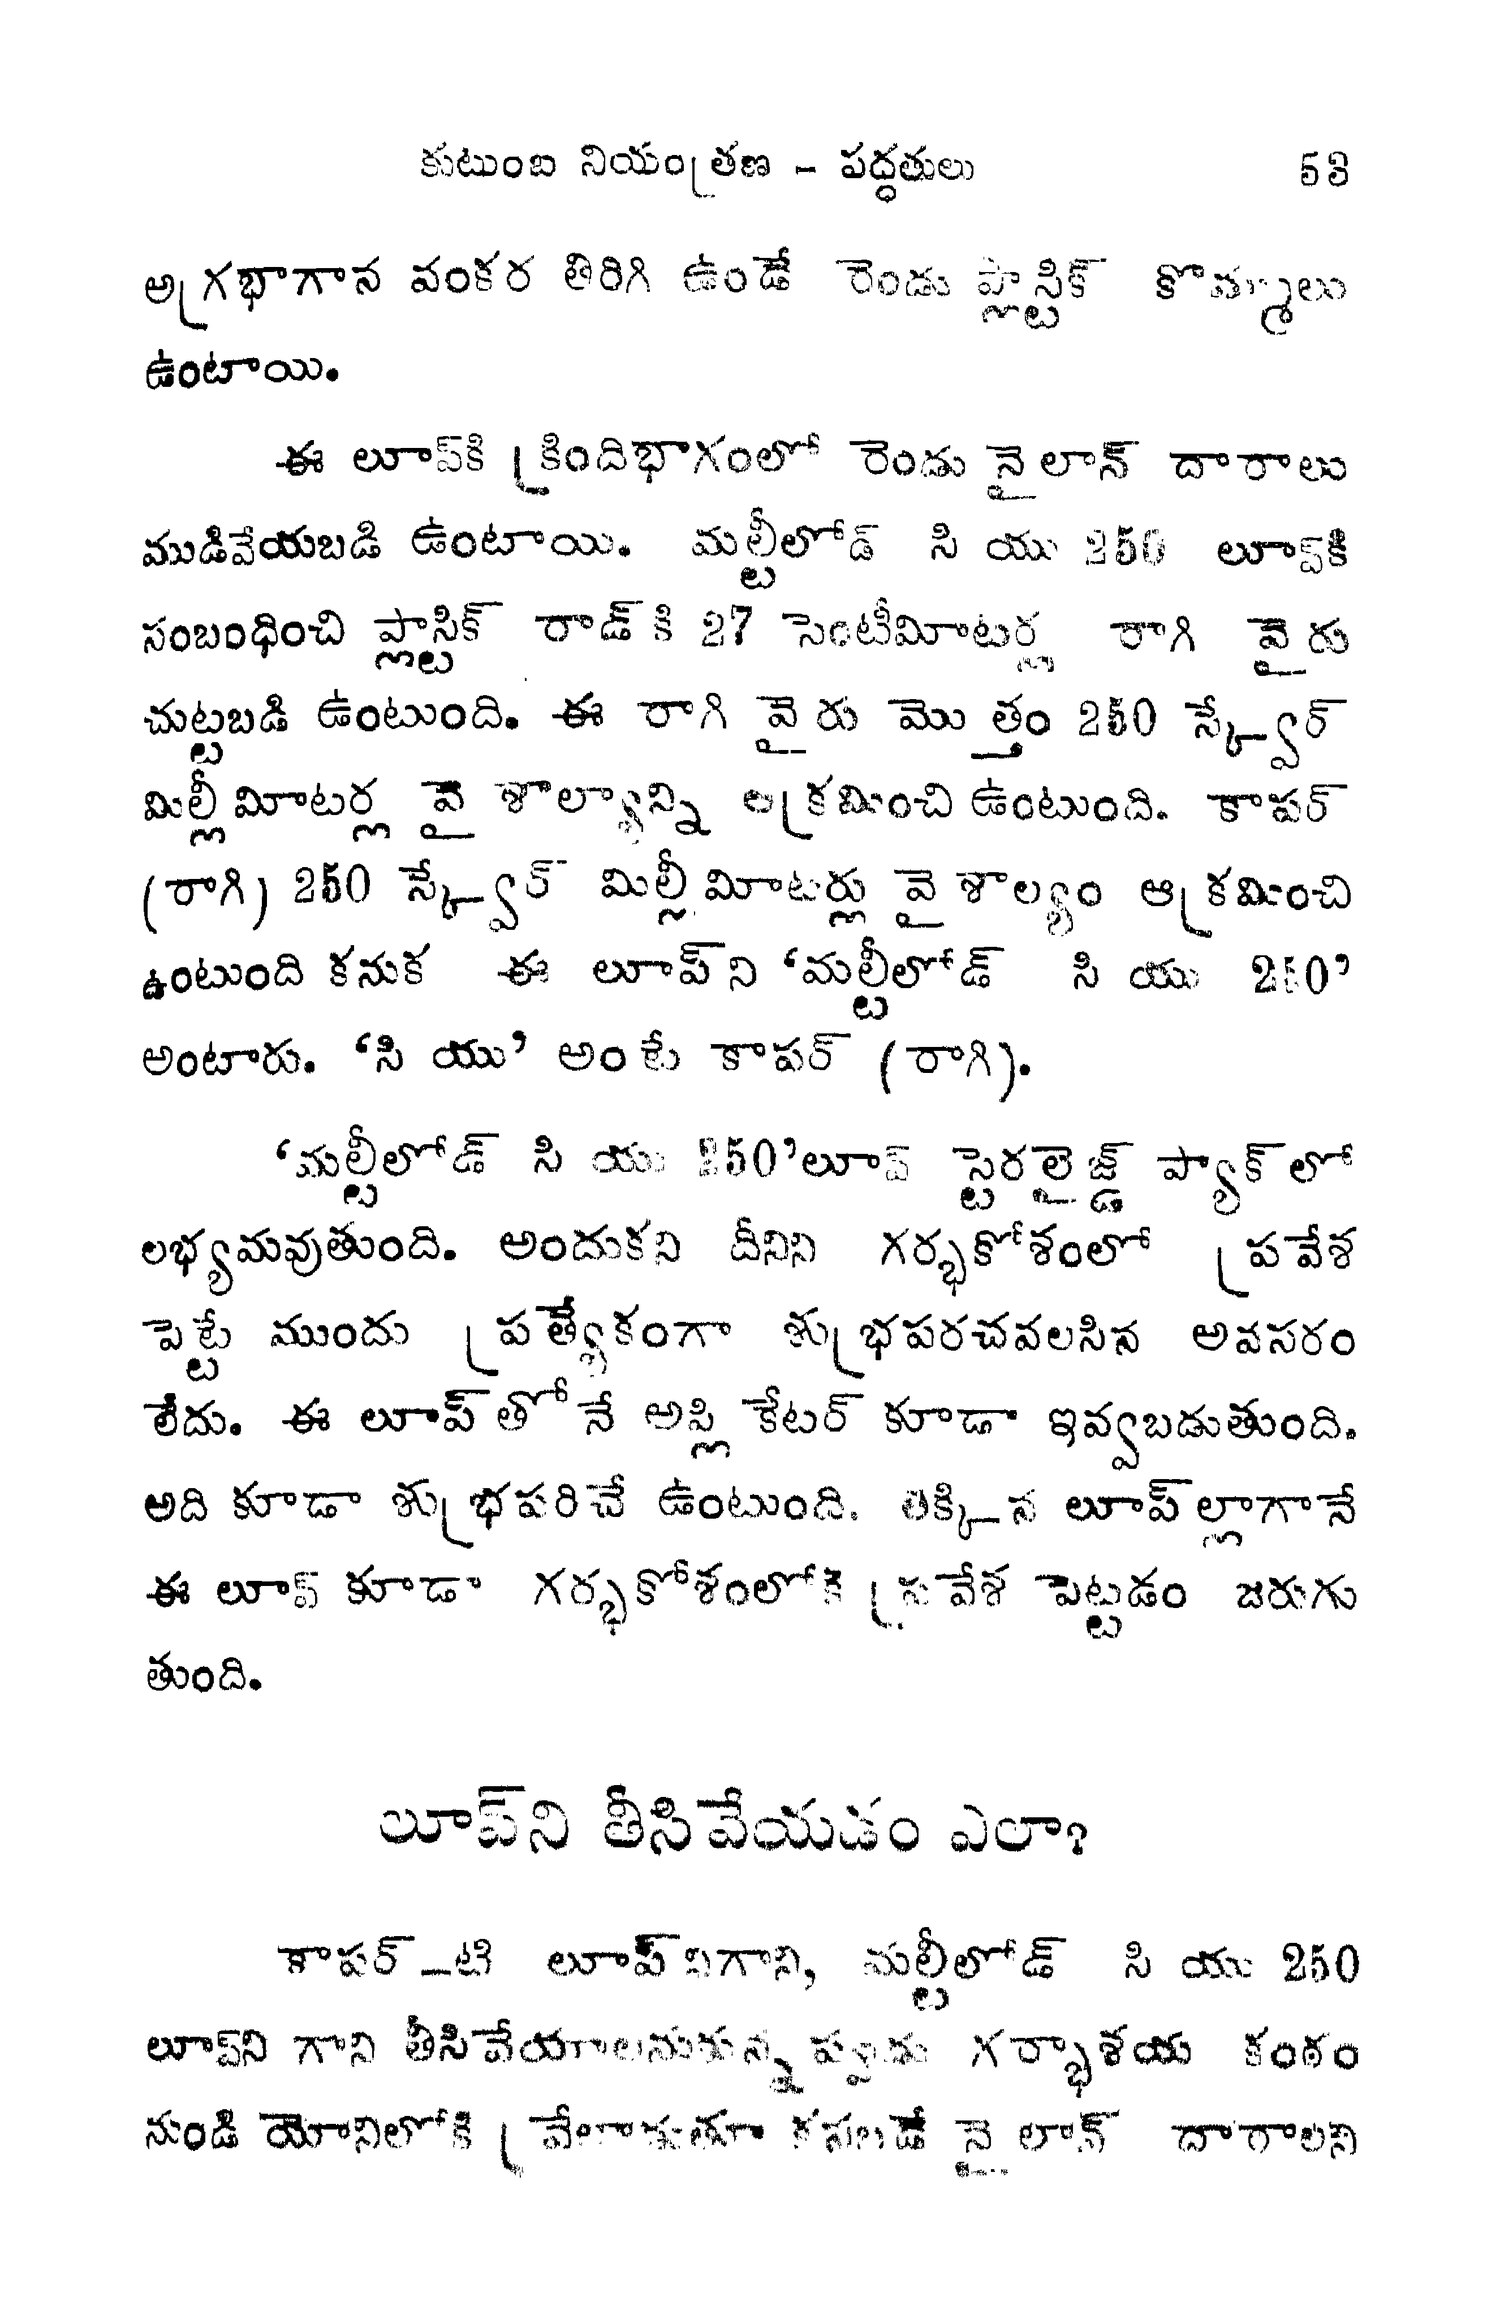అగ్రభాగాన వంకర తిరిగి ఉండే రెండు ప్లాస్టిక్ కొమ్ములు ఉంటాయి.

ఈ లూప్‌కి క్రిందిభాగంలో రెండు నైలాన్ దారాలు ముడివేయబడి ఉంటాయి. మల్టీలోడ్ సి యు 250 లూప్‌కి సంబంధించి ప్లాస్టిక్ రాడ్ కి 27 సెంటీమీటర్ల రాగి వైరు చుట్టబడి ఉంటుంది. ఈ రాగి వైరు మొత్తం 250 స్క్వేర్ మిల్లీ మీటర్ల వైశాల్యాన్ని ఆక్రమించి ఉంటుంది. కాపర్ (రాగి) 250 స్క్వేర్ మిల్లీ మీటర్లు వైశాల్యం ఆక్రమించి ఉంటుంది కనుక ఈ లూప్‌ని 'మల్టీలోడ్ సి యు 250 ' అంటారు. 'సి యు ' అంటే కాపర్ (రాగి).

'మల్టీలోడ్ సి.యు 250 'లూప్ స్టెరలైజ్డ్ ప్యాక్‌లో లభ్యమవుతుంది. అందుకని దీనిని గర్భకోశంలో ప్రవేశపెట్టే ముందు ప్రత్యేకంగా శుభ్రపరచవలసిన అవసరం లేదు. ఈ లూప్‌తోనె అప్లి కేటర్ కూడా ఇవ్వబడుతుంది. అది కూడా శుబ్రప్రరిచే ఉంటుంది. తక్కిన లూప్‌ల్లాగానే ఈ లూప్ కూడా గర్భకోశంలోకి ప్రవేశ పెట్టడం జరుగుతుంది.

కాపర్ -టి లూప్‌నిగాని, మల్టీలోడ్ సి.యు 250 లూప్‌ని గాని తీసివేయాలనుకున్నప్పుడు గర్భాశయ కంఠం నుండి యోనిలోకి వ్రేలాడుతూ కనపడే నైలాన్ దారాలని